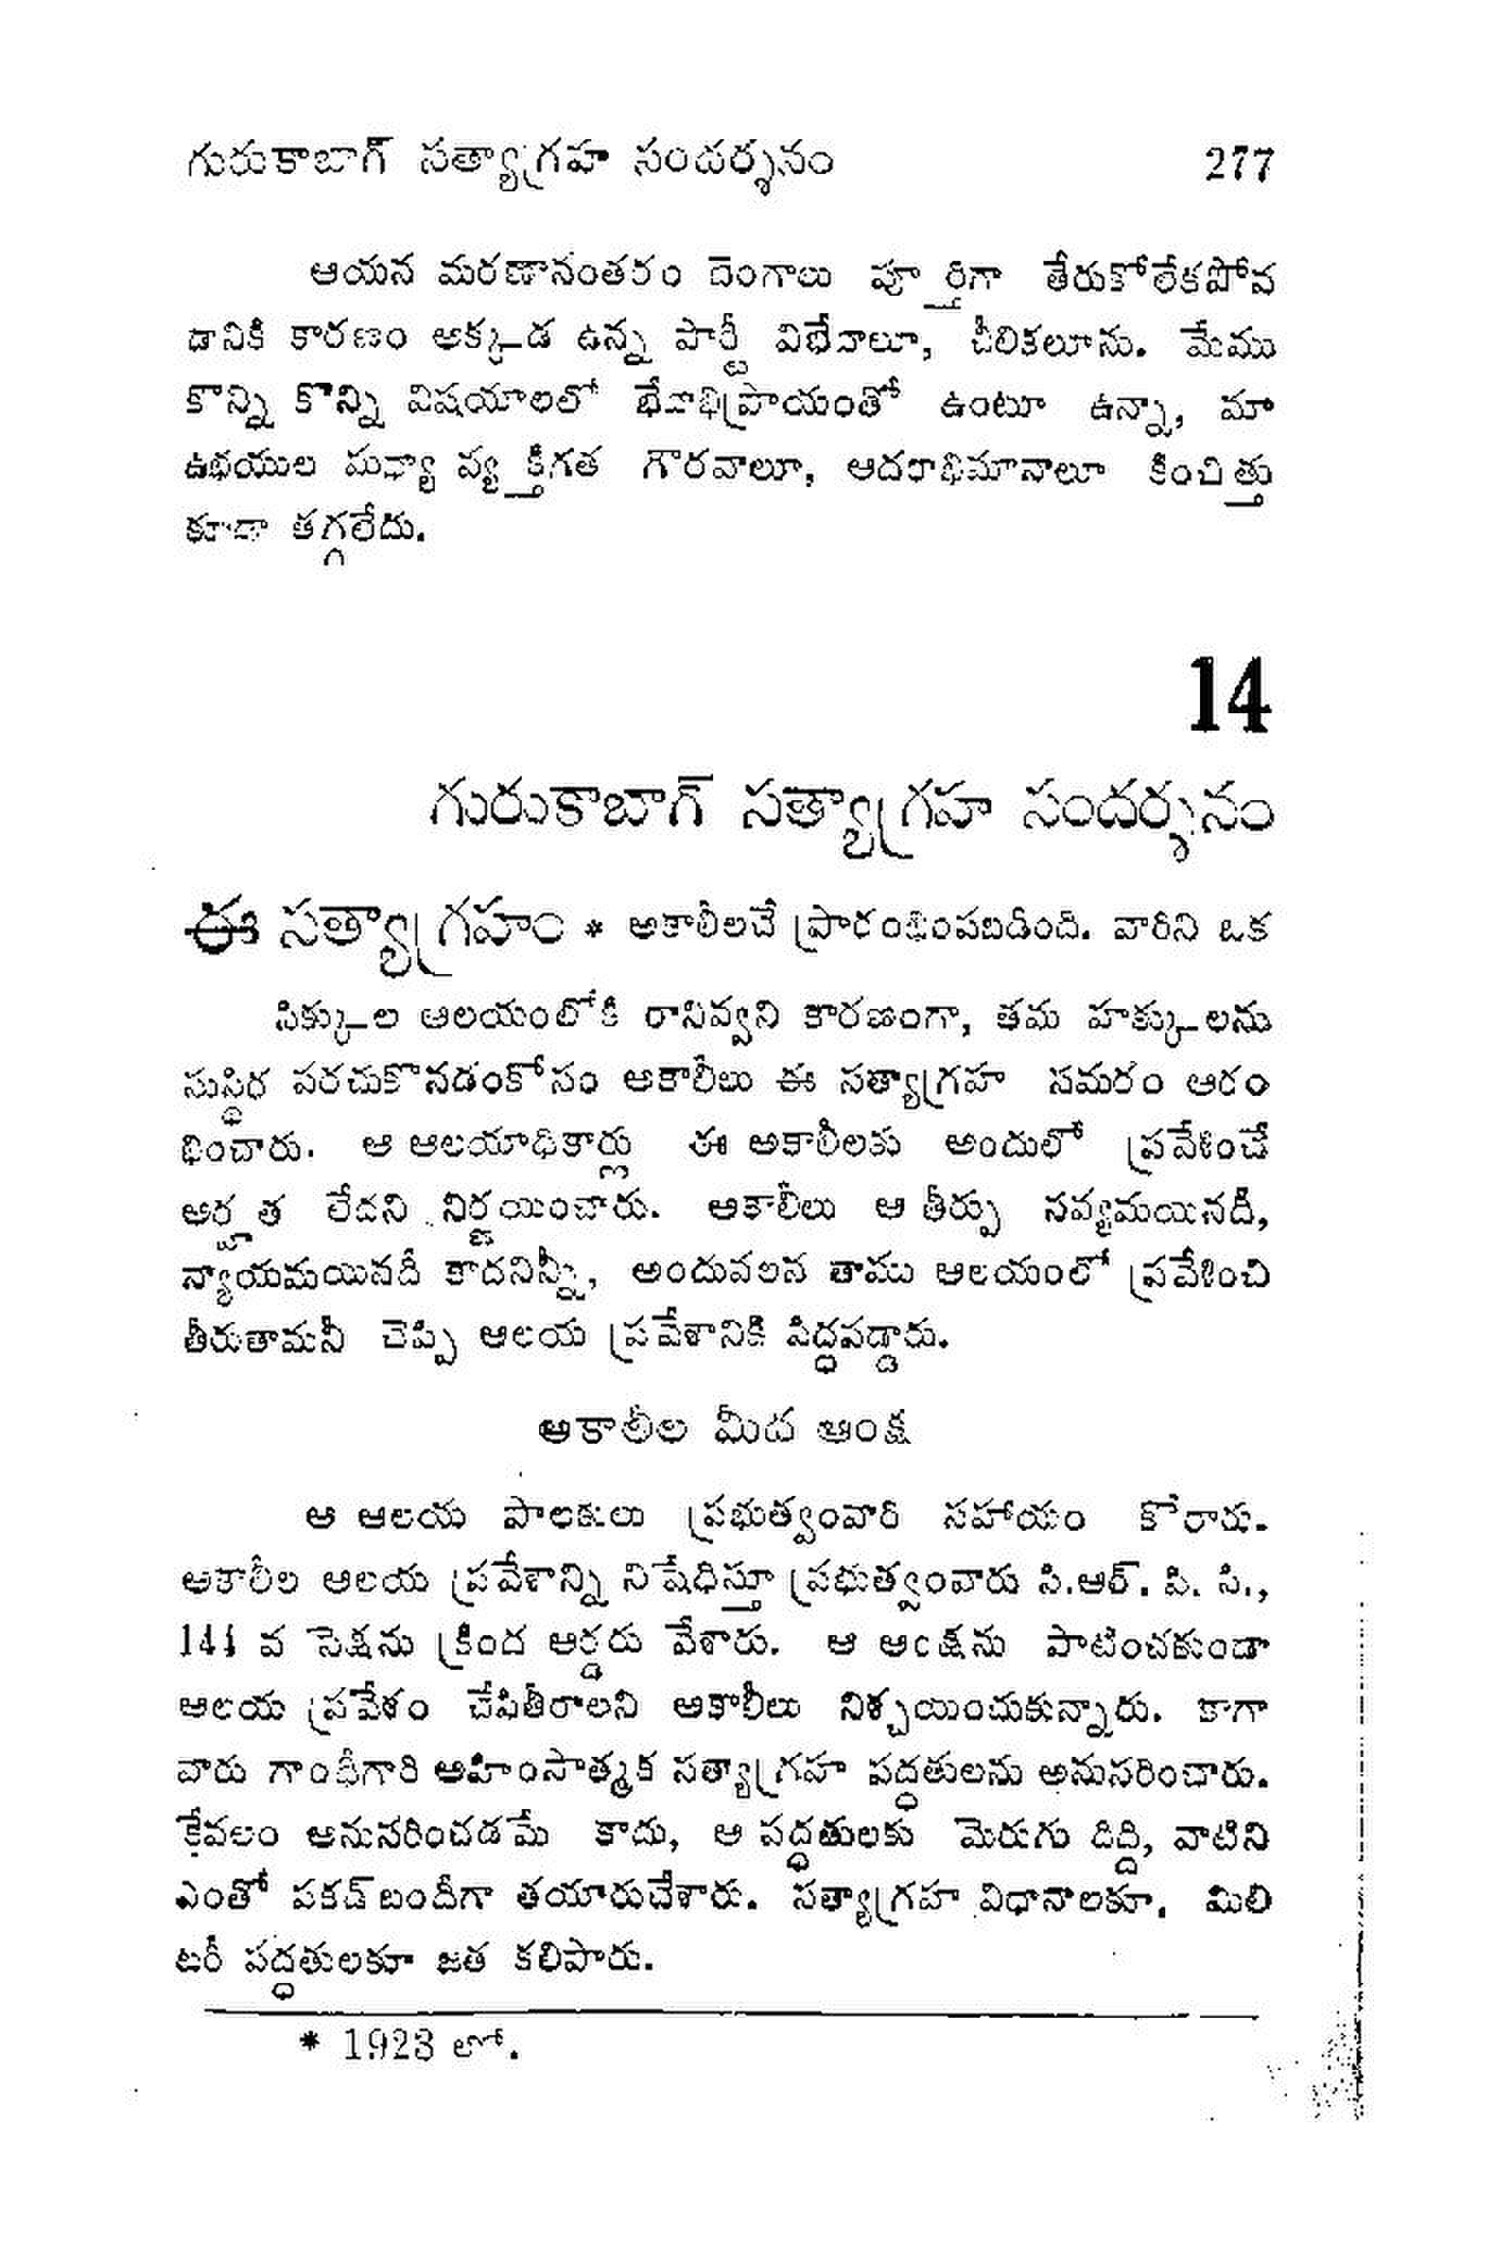ఆయన మరణానంతరం బెంగాలు పూర్తిగా తేరుకోలేక పోవడానికి కారణం అక్కడ ఉన్న పార్టీ విబేదాలూ, చీలికలూను. మేము కొన్ని కొన్ని విషయాలలో భేదాభిప్రాయంతో ఉంటూ ఉన్నా, మా ఉభయుల మధ్యా వ్యక్తిగత గౌరవాలూ, ఆదరాభిమానాలూ కించిత్తు కూడా తగ్గలేదు.

ఈ సత్యాగ్రహం అకాలీలచే ప్రారంభింపబడింది. వారిని ఒక సిక్కుల ఆలయంలోకి రానివ్వని కారణంగా, తమ హక్కులను సుస్థిర పరచుకోవడంకోసం అకాలీలు ఈ సత్యాగ్రహ సమరం ఆరంభించారు. ఆ ఆలయాధికార్లు ఈ అకాలీలకు అందులో ప్రవేశించే అర్హత లేదని నిర్ణయించారు. అకాలీలు ఆ తీర్పు సవ్యమయినదీ, న్యాయమయినదీ కాదనిన్నీ, అందువలన తాము ఆలయంలో ప్రవేశించి తీరుతామనీ చెప్పి ఆలయ ప్రవేశానికి సిద్ధపడ్డారు.

అ ఆలయ పాలకులు ప్రభుత్వంవారి సహాయం కోరారు. అకాలీల ఆలయ ప్రవేశాన్ని నిషేధిస్తూ ప్రభుత్వంవారు సి.ఆర్.పి.పి.,144 వ సెక్షను క్రింద ఆర్డరు వేశారు. ఆ ఆంక్షను పాటించకుండా ఆలయ ప్రవేశం చేసితీరాలని అకాలీలు నిశ్చయించుకున్నారు. కాగా వారు గాంధీగారి అహింసాత్మక సత్యాగ్రహ పద్దతులను అనుసరించారు. కేవలం అనుసరించడమే కాదు, ఆ పద్ధతులకు మెరుగు దిద్ది, వాటిని ఎంతో పకడ్ బందీగా తయారుచేశారు. సత్యాగ్రహ విధానాలకూ, మిలిటరీ పద్దతులకూ జత కలిపారు